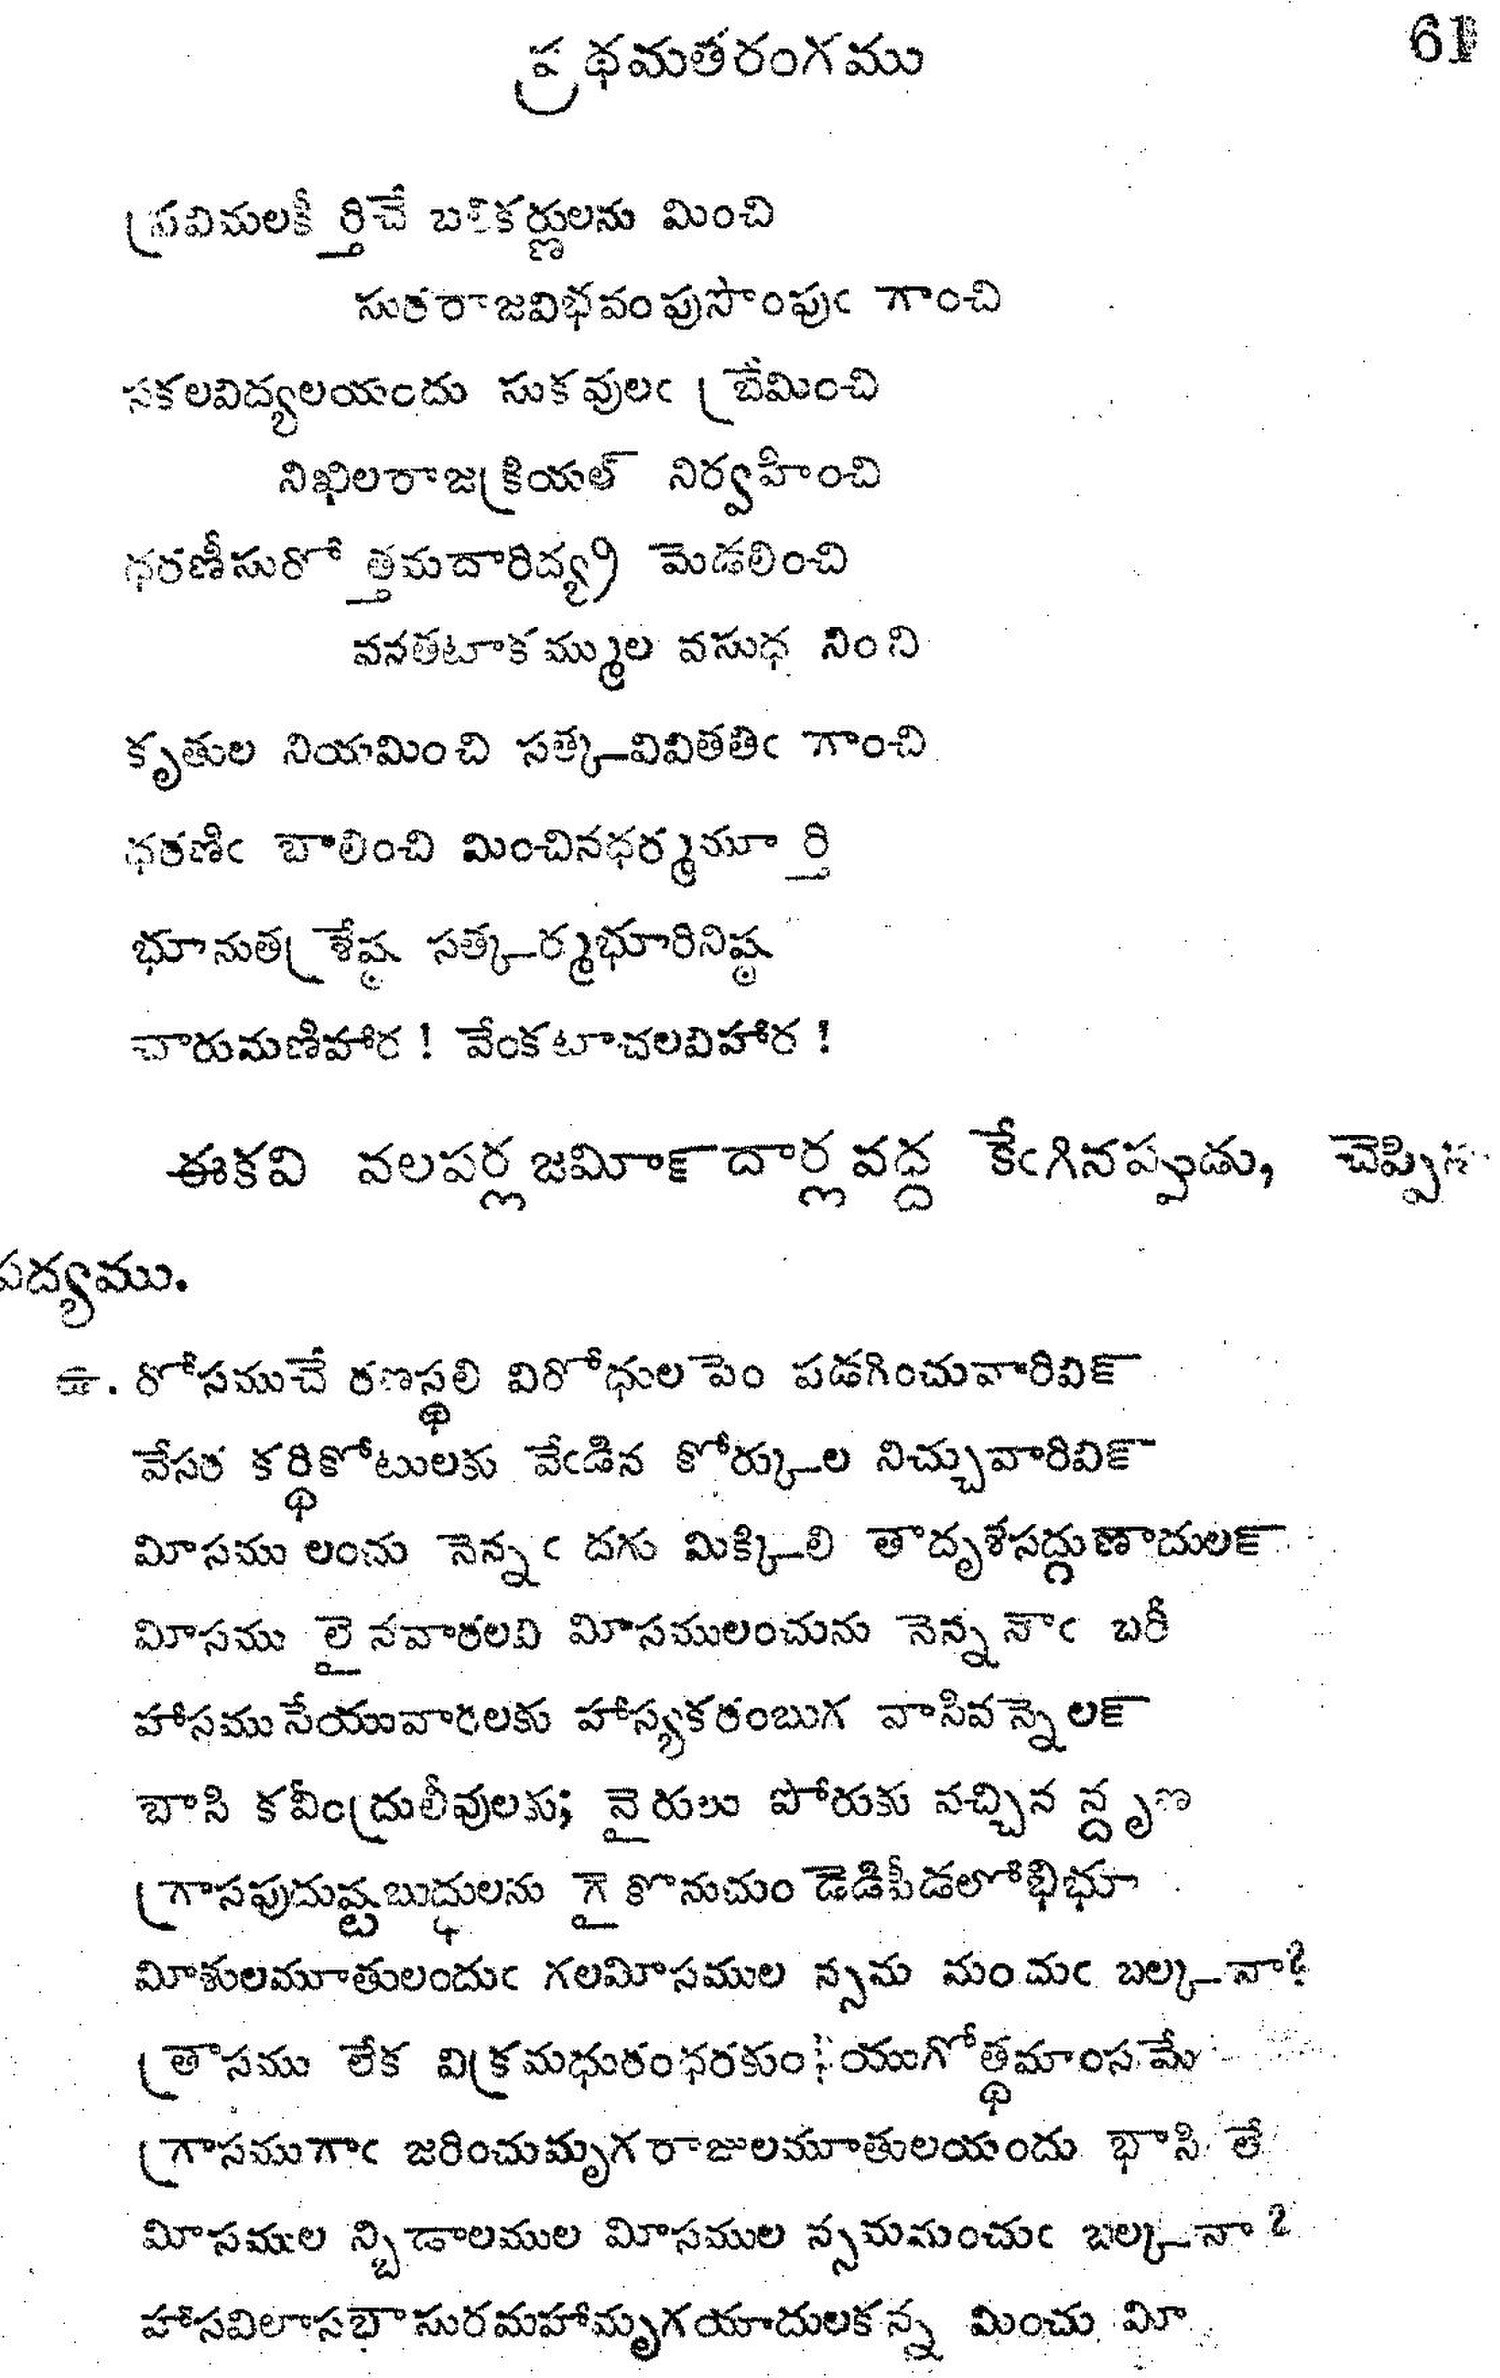ప్రవిమలకీర్తిచే బలికర్ణులను మించి
 సురరాజవిభవంపుసొంపుఁ గాంచి
 సకలవిద్యలయందు సుకవులఁ బ్రేమించి
 నిఖిలరాజక్రియల్ నిర్వహించి
 ధరణీసురోత్తమదారిద్ర్య మెడలించి
 వనతటాకమ్ముల వసుధ నించి
 కృతుల నియమించి సత్వివితతిఁ గాంచి
 ధరణిఁ బాలించి మించిన ధర్మమూర్తి
 భూనుతశ్రేష్ఠ సత్కర్మభూరినిష్ఠ
 చారుమణిహార! వేంకటాచలవిహార!

ఈకవి వలపర్లజమీన్దార్లవద్ద కేఁగినప్పుడు చెప్పిన పద్యము—

ఉ. రోసముచే రణస్థలి విరోధులపెం పడగించువారివిన్
 వేసర కర్థికోటులకు వేఁడిన కోర్కుల నిచ్చువారివిన్
 మీసము లంచు నెన్నఁ దగు మిక్కిలి తాదృశసద్గుణాదులన్
 మీసము లైనవారలవి మీసములంచును నెన్ననౌఁ బరీ
 హాసము సేయువారలకు హాస్యకరంబుగ వాసివన్నెలన్
 బాసి కవీంద్రులీవులకు; వైరులు పోరుకు వచ్చిన న్దృణ
 గ్రాసపుదుష్టబుద్ధులను గైకొనుచుండెడి పీడలోభిభూ
 మీశులమూతులందుఁ గలమీసముల న్సమ మంచుఁ బల్కనా?
 త్రాసము లేక విక్రమధురంధరకుంభయుగాత్థమాంసమే
 గ్రాసముగాఁ జరించు మృగరాజులమూతులయందు భాసి లే
 మీసముల న్బిడాలముల మీసముల న్సమమంచుఁ బల్కనా?
 హాసవిలాసభాసురమహామృగయాదులకన్న మించు మీ